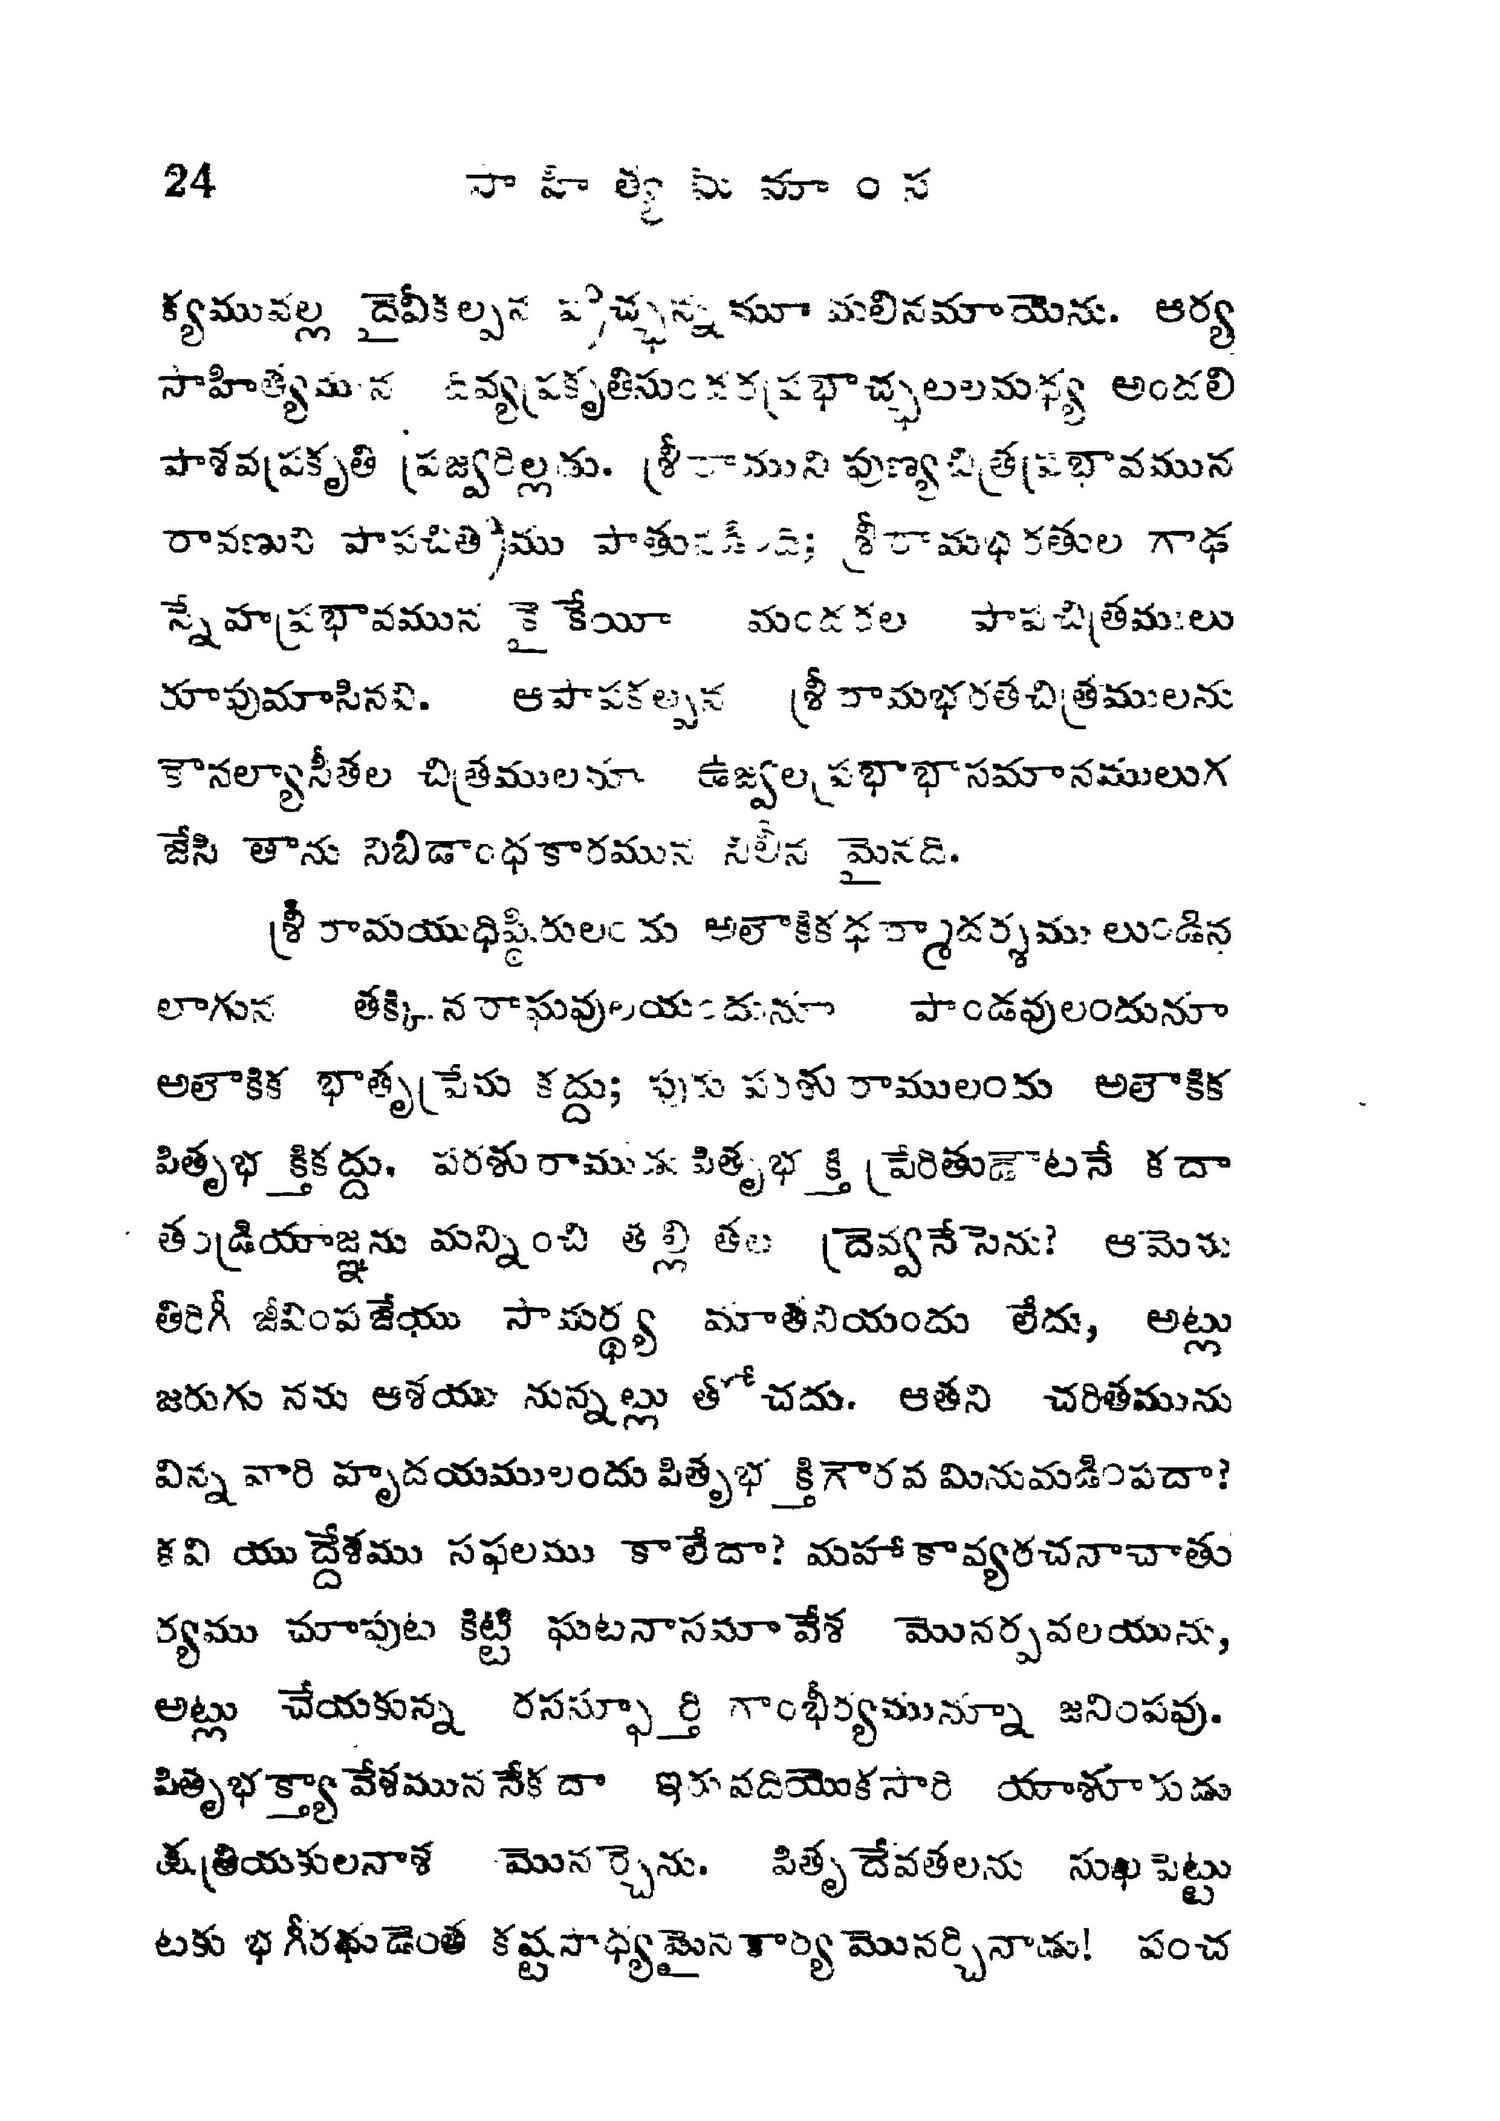క్యమువల్ల దైవీకల్పన ప్రచ్ఛన్నమూ మలినమాయెను. ఆర్య సాహిత్యమున దివ్యప్రకృతిసుందరప్రభాచ్ఛటలమధ్య అందలి పాశవప్రకృతి ప్రజ్వరిల్లదు. శ్రీరాముని పుణ్యచిత్రప్రభావమున రావణుని పాపచిత్రము పాతువడింది; శ్రీరామభరతుల గాఢ స్నేహప్రభావమున కైకేయీ మందరల పాపచిత్రములు రూపుమాసినవి. ఆపాపకల్పన శ్రీరామభరతచిత్రములను కౌసల్యాసీతల చిత్రములనూ ఉజ్వలప్రభాభాసమానములుగ జేసి తాను నిబిడాంధకారమున విలీన మైనది.

శ్రీరామయుధిష్ఠిరులందు అలౌకికధర్మాదర్శము లుండిన లాగున తక్కినరాఘవులయందునూ పాండవులందునూ అలౌకిక భాతృప్రేమ కద్దు; పురు పరశురాములందు అలౌకిక పితృభక్తికద్దు. పరశురాముడు పితృభక్తి ప్రేరితుడౌటనే కదా తండ్రియాజ్ఞను మన్నించి తల్లి తల ద్రెవ్వనేసెను? ఆమెను తిరిగీ జీవింపజేయు సామర్థ్య మాతనియందు లేదు, అట్లు జరుగు నను ఆశయు నున్నట్లు తోచదు. ఆతని చరితమును విన్న వారి హృదయములందు పితృభక్తి గౌరవ మినుమడింపదా? కవి యుద్దేశము సఫలము కాలేదా? మహాకావ్యరచనాచాతుర్యము చూపుట కిట్టి ఘటనాసమావేశ మొనర్పవలయును, అట్లు చేయకున్న రసస్ఫూర్తి గాంభీర్యమున్నూ జనింపవు. పితృభక్త్యావేశముననేకదా ఇరువదియొకసారి యాశూరుడు క్షత్రియకులనాశ మొనర్చెను. పితృ దేవతలను సుఖపెట్టుటకు భగీరథుడెంత కష్టసాధ్యమైన కార్య మొనర్చినాడు! పంచ